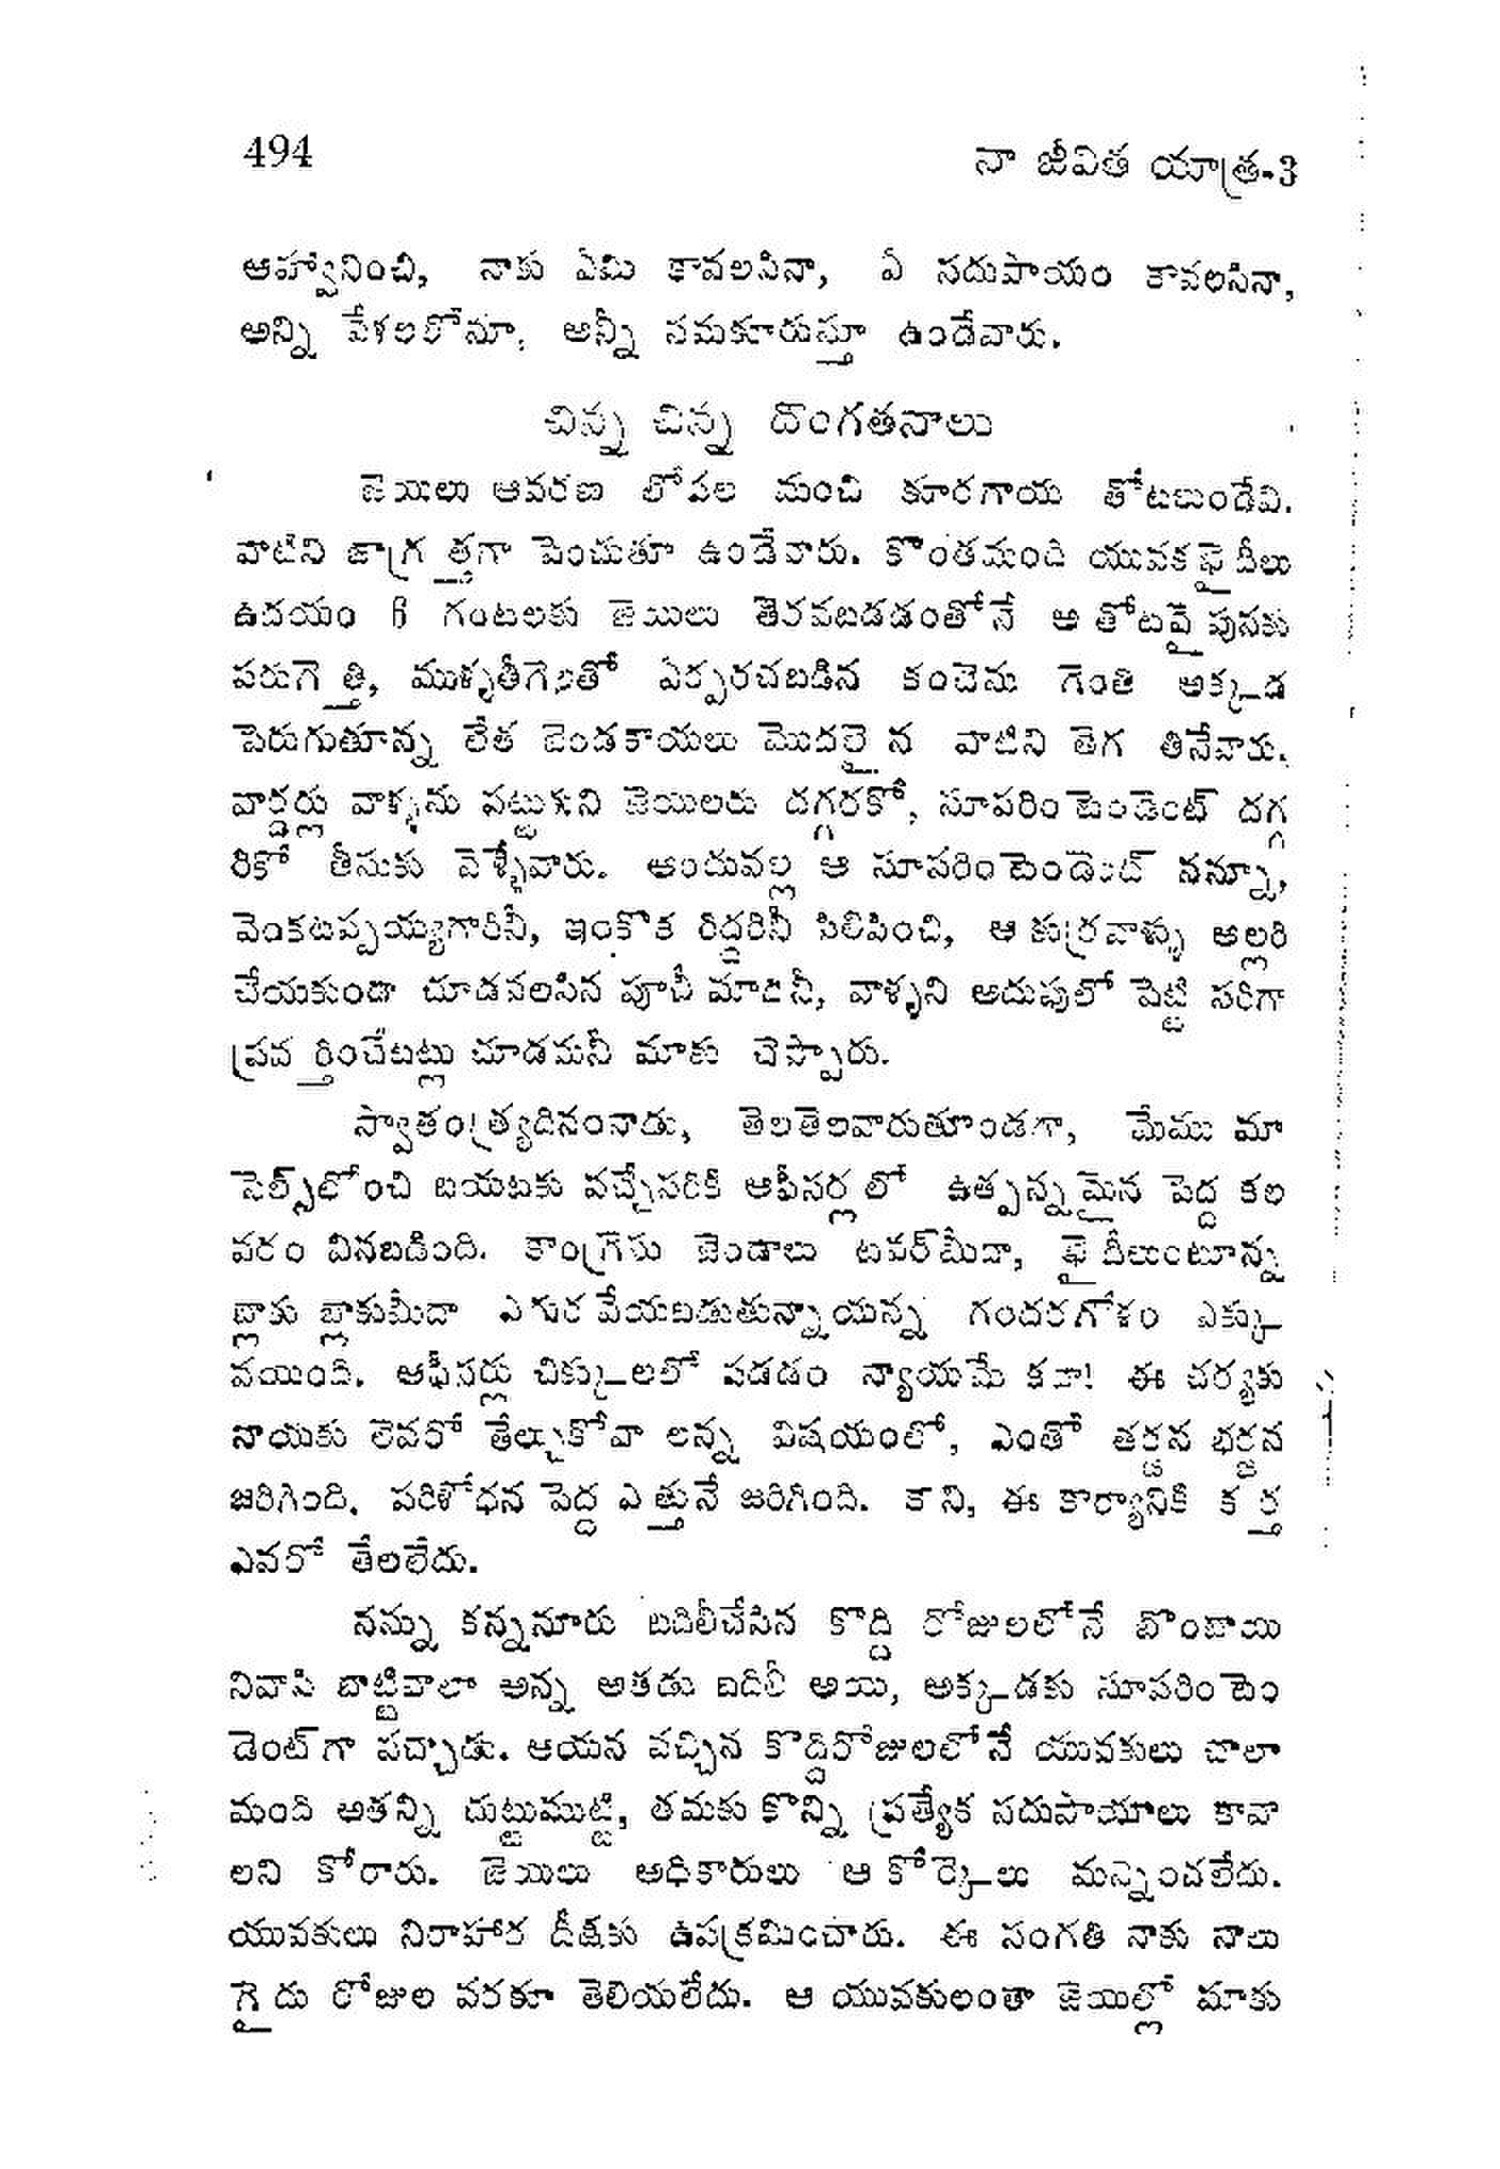ఆహ్వానించి, నాకు ఏమి కావలసినా, ఏ సదుపాయం కావలసినా, అన్ని వేళలలోనూ, అన్నీ సమకూరుస్తూ ఉండేవారు.

జెయిలు ఆవరణ లోపల మంచి కూరగాయ తోటలుండేవి. వాటిని జాగ్రత్తగా పెంచుతూ ఉండేవారు. కొంతమంది యువకఖైదీలు ఉదయం 6 గంటలకు జెయిలు తెరవబడడంతోనే ఆ తోటవైపునకు పరుగెత్తి, ముళ్ళతీగెలతో ఏర్పరచబడిన కంచెను గెంతి అక్కడ పెరుగూతూన్న లేత బెండకాయలు మొదలైన వాటిని తెగ తినేవారు. వార్డర్లు వాళ్ళను పట్టుకుని జెయిలరు దగ్గరకో, సూపరింటెండెంట్ దగ్గరికో తీసుకు వెళ్ళేవారు. అందువల్ల ఆ సూపరింటెండెంట్ నన్నూ, వెంకటప్పయ్యగారినీ, ఇంకొక రిద్దరినీ పిలిపించి, ఆ కుర్రవాళ్ళు అల్లరి చేయకుండా చూడవలసిన పూచీ మాదనీ, వాళ్ళని అదుపులో పెట్టి సరిగా ప్రవర్తించేటట్లు చూడమనీ మాకు చెప్పారు.

స్వాతంత్ర్యదినంనాడు, తెలతెలవారుతూండగా, మేము మా సెల్స్‌లోంచి బయటకు వచ్చేసరికి ఆఫీసర్లలో ఉత్పన్నమైన పెద్ద కలవరం వినబడింది. కాంగ్రెసు జెండాలు టవర్‌మీదా, ఖైదీలుంటూన్న బ్లాకు బ్లాకుమీదా ఎగురవేయబడుతున్నాయన్న గందరగోళం ఎక్కువయింది. ఆఫీసర్లు చిక్కులలో పడడం న్యాయమే కదా! ఈ చర్యకు నాయకు లెవరో తేల్చుకోవా లన్న విషయంలో, ఎంతో తర్జన భర్జన జరిగింది. పరిశోధన పెద్ద ఎత్తునే జరిగింది. కాని, ఈ కార్యానికి కర్త ఎవరో తేలలేదు.

నన్ను కన్ననూరు బదిలీచేసిన కొద్ది రోజులలోనే బొంబాయి నివాసి బాట్టివాలా అన్న అతడు బదిలీ అయి, అక్కడకు సూపరింటెండెంట్‌గా వచ్చాడు. ఆయన వచ్చిన కొద్దిరోజులలోనే యువకులు చాలా మంది అతన్ని చుట్టుముట్టి, తమకు కొన్ని ప్రత్యేక సదుపాయాలు కావాలని కోరారు. జెయిలు అధికారులు ఆ కోర్కెలు మన్నించలేదు. యువకులు నిరాహార దీక్షకు ఉపక్రమించారు. ఈ సంగతి నాకు నాలుగైదు రోజుల వరకూ తెలియదు. ఆ యువకులంతా జెయిల్లో మాకు